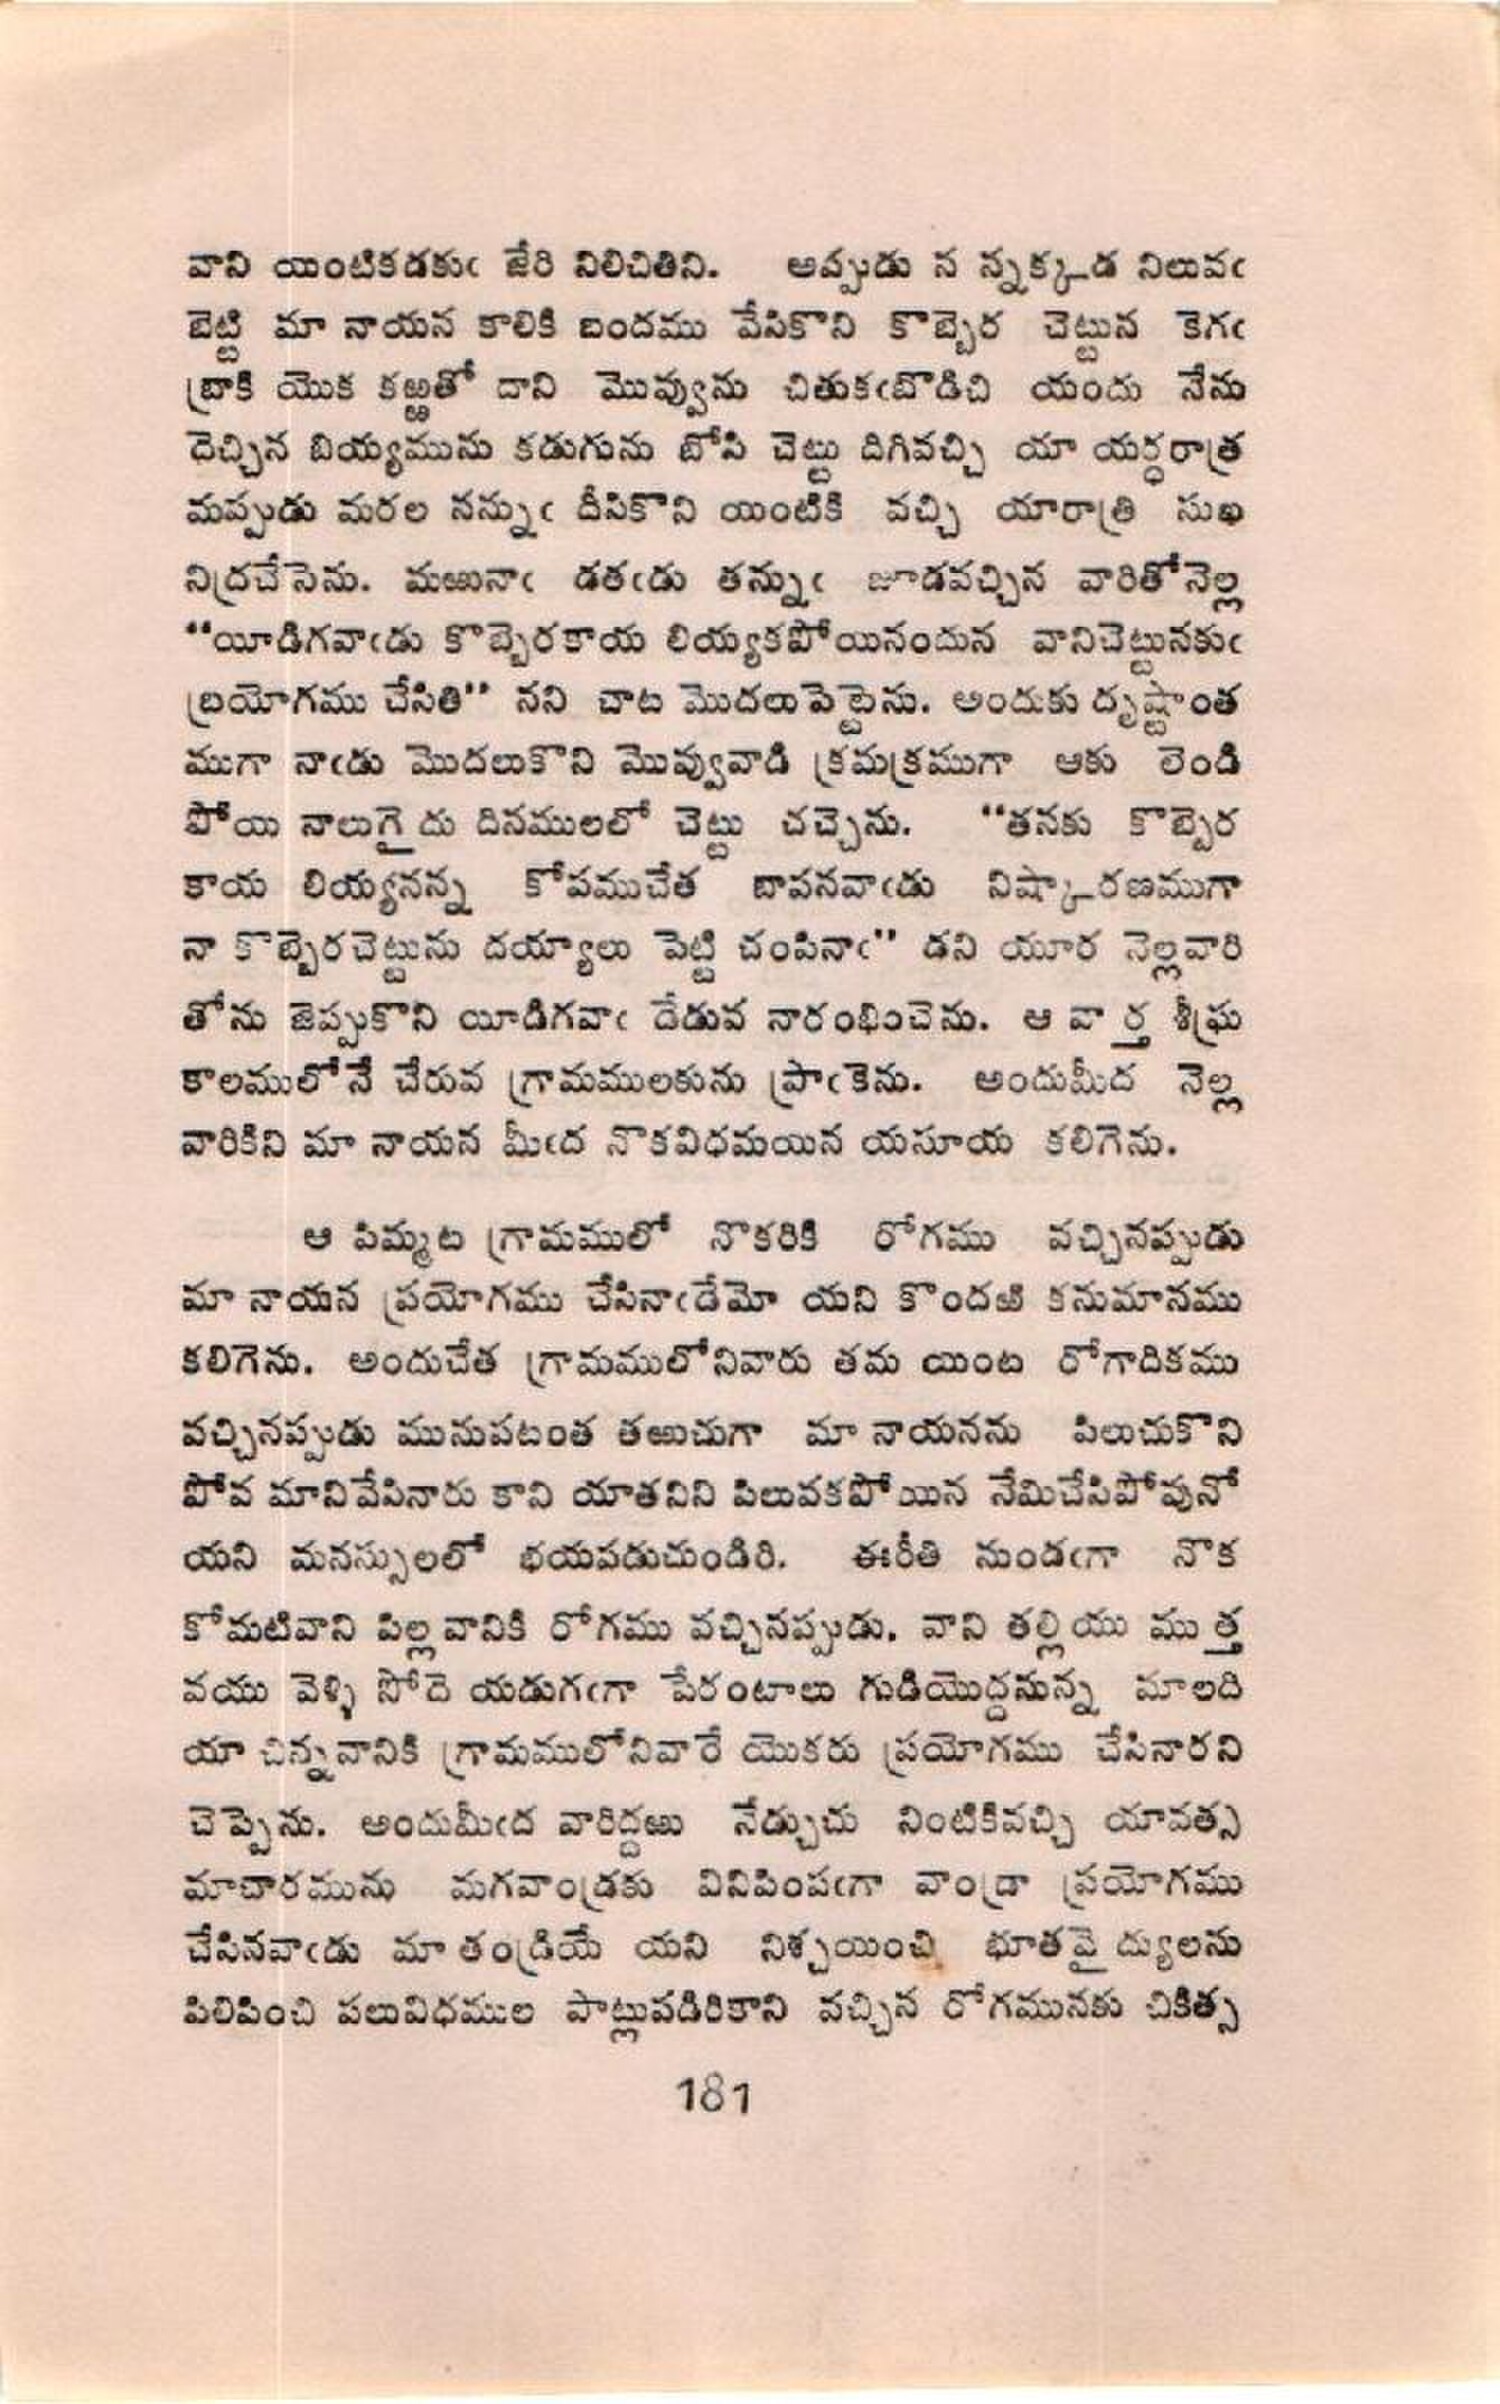వాని యింటికడకుఁ జేరి నిలిచితిని. అప్పుడు న న్నక్కడ నిలువఁ బెట్టి మా నాయన కాలికి బందము వేసికొని కొబ్బెర చెట్టున కెగఁ బ్రాకి యొక కఱ్ఱతో దాని మొవ్వును చితుకఁబొడిచి యందు నేను దెచ్చిన బియ్యమును కడుగును బోసి చెట్టు దిగివచ్చి యా యర్ధరాత్ర మప్పుడు మరల నన్నుఁ దీసికొని యింటికి వచ్చి యారాత్రి సుఖ నిద్రచేసెను. మఱునాఁ డతఁడు తన్నుఁ జూడవచ్చిన వారితోనెల్ల “యిూడిగవాఁడు కొబ్బెరకాయ లియ్యకపోయినందున వానిచెట్టునకుఁ బ్రయోగము చేసితి" నని చాట మొదలుపెట్టెను. అందుకు దృష్టాంతముగా నాఁడు మొదలుకొని మొవ్వవాడి క్రమక్రముగా ఆకు లెండి పోయి నాలుగైదు దినములలో చెట్టు చచ్చెను. "తనకు కొబ్బెర కాయ లియ్యనన్న కోపముచేత బాపనవాఁడు నిష్కారణముగా నా కొబ్బెరచెట్టును దయ్యాలు పెట్టి చంపినాఁ" డని యూర నెల్లవారి తోను జెప్పుకొని యీడిగవాఁ డేడువ నారంభించెను. ఆ వార్త శీఘ్ర కాలములోనే చేరువ గ్రామములకును 
ప్రాకెను. అందుమీద నెల్ల వారికిని మా నాయన మీఁద నొక విధమయిన యసూయ కలిగెను.

ఆ పిమ్మట గ్రామములో నొకరికి రోగము వచ్చినప్పడు మా నాయన ప్రయోగము చేసినాఁడేమో యని కొందఱి కనుమానము కలిగెను. అందుచేత గ్రామములోనివారు తమ యింట రోగాదికము వచ్చినప్పుడు మునుపటంత తఱచుగా మా నాయనను పిలుచుకొని పోవ మానివేసినారు కాని యాతనిని పిలువకపోయిన నేమిచేసిపోవునో యని మనస్సులలో భయపడుచుండిరి. ఈరీతి నుండఁగా నొక కోమటివాని పిల్లవానికి రోగము వచ్చినప్పుడు, వాని తల్లియు ముత్తవయు వెళ్ళి సోదె యడుగంగా పేరంటాలు గుడియొద్దనున్న మాలది యా చిన్నవానికి గ్రామములోనివారే యొకరు ప్రయోగము చేసినారని చెప్పెను. అందుమీద వారిద్దఱు నేడ్చుచు నింటికివచ్చి యావత్సమాచారమును మగవాండ్రకు వినిపింపఁగా వాండ్రా ప్రయోగము చేసినవాఁడు మా తండ్రియే యని నిశ్చయించి భూతవైద్యులను పిలిపించి పలువిధముల పాట్లుపడిరికాని వచ్చిన రోగమునకు చికిత్స